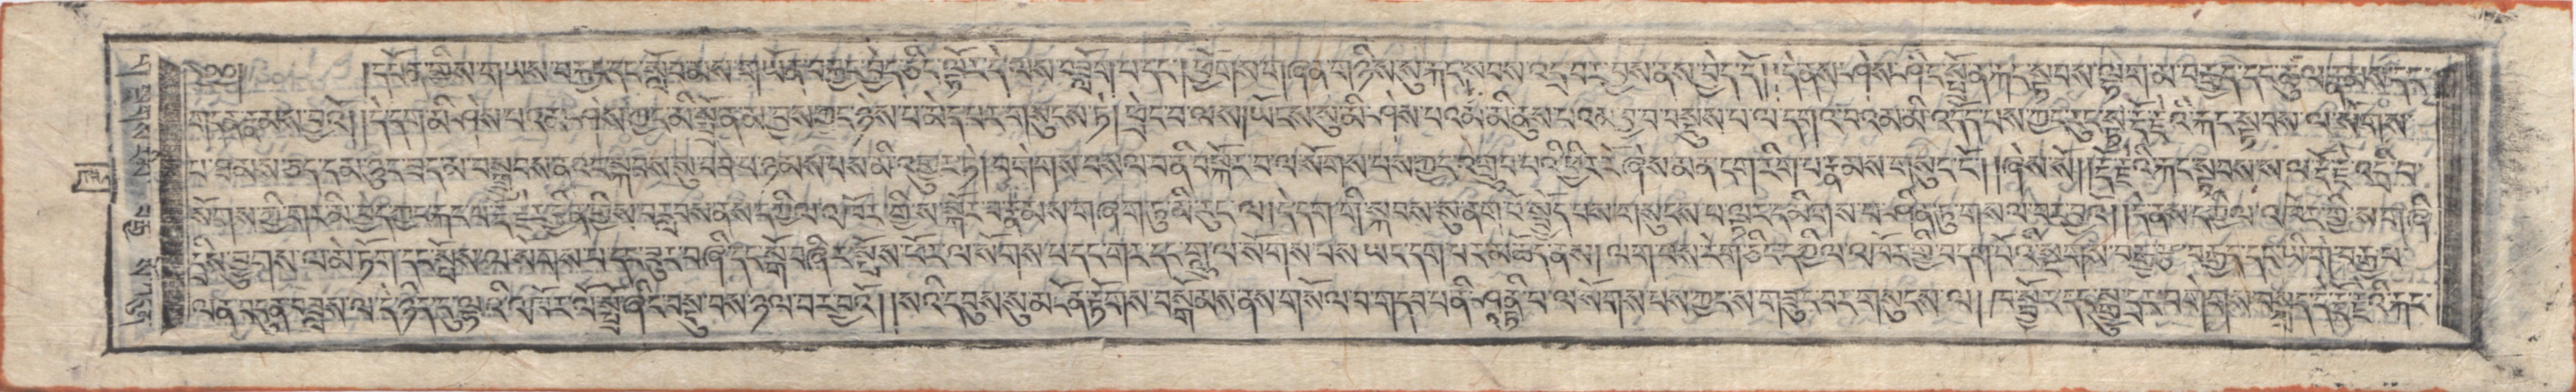༄༅། །དཔོན་གྱིས་གཡས་བརྐྱང་དང་སློབ་མས་གཡོན་བརྐྱང་བྱེད་ཅིང་ལྷོར་དེ་ལས་བཟློག་པ་དང་། ཕྱོགས་གཞན་གཉིས་སུ་རྐང་སྟབས་འདྲ་བར་བྱས་ནས་བྱེད་དོ། །དེ་ནས་ཤེས་ཤིང་སྤྲོ་ན་རྐང་སྟབས་ལྷག་མ་བརྒྱད་དང་ཚུལ་རྣམས་དང་
གདན་རྣམས་བྱའོ། །དེ་དག་མི་ཤེས་པའམ་ཤེས་ཀྱང་མི་སྤྲོ་ན་མ་བྱས་ཀྱང་ཉེས་པ་མེད་པར་གསུངས་ཏེ། ཕྲེང་བ་ལས། ཡོངས་སུ་མི་ཤེས་པའམ་མི་ནུས་པའམ་བྱ་བ་བསྡུས་པ་ལ་དགའ་བའམ་མི་འདོད་པས་ཀྱང་རུང་སྟེ་རྡོ་རྗེའི་རྐང་སྟབས་ལ་སོགས་
པ་ཐམས་ཅད་དམ་ཉུང་ཟད་མ་བསྒྲུབས་ནའང་སྐབས་སུ་བབ་པ་ཉམས་པས་མི་འགྱུར་ཏེ། བགེགས་བསལ་བ་ནི་བསྐོར་བ་ལ་སོགས་པས་ཀྱང་འགྲུབ་པའི་ཕྱིར་རོ་ཞེས་མན་ངག་རིག་པ་རྣམས་གསུང་ངོ། །ཞེས་སོ། །རྡོ་རྗེའི་རྐང་སྟབས་ས་ལ་རྡོ་རྗེ་འདྲི་བ་
སོགས་ཀྱི་གར་མི་བྱེད་ཀྱང་རྐང་པ་རྡོ་རྗེར་བྱིན་གྱིས་བརླབས་ནས་དཀྱིལ་འཁོར་གྱི་ས་སྐོར་བ་རྣམས་གཞག་ཏུ་མི་རུང་ལ། དེ་དག་གི་སྐབས་སུ་ནག་པོ་སྤྱོད་པས་གསུངས་པ་ལྟར་དམིགས་པ་ཤིན་ཏུ་གསལ་བར་བྱའོ། །དེ་ནས་དཀྱིལ་འཁོར་གྱི་ས་གཞི་
དྲིས་བྱུགས་ལ་མེ་ཏོག་དང་སྤོས་ལ་སོགས་པ་དང་ཟུར་བཞི་དང་སྒོ་བཞིར་སྤོས་ཕོར་ལ་སོགས་པ་དང་གར་དང་གླུ་ལ་སོགས་པས་ཡང་དག་པར་མཆོད་ནས། ལག་པས་རེག་ཅིང་དཀྱིལ་འཁོར་གྱི་བདག་པོའི་སྔགས་བརྒྱ་རྩ་བརྒྱད་དང་ཡི་གེ་བརྒྱ་པ་
ལན་བདུན་བཟླས་ལ་དེ་ཉིད་དུ་ལྷའི་འཁོར་ལོ་སྤྲོ་ཞིང་བསྡུ་བས་ཉལ་བར་བྱའོ། །སའི་དབུས་སུ་མངོན་རྟོགས་བསྒོམས་ནས་གསོལ་བ་གདབ་པ་ནི་ཤཱནྟི་པ་ལ་སོགས་པས་ཀྱང་ས་གཟུང་བར་གསུངས་ལ། ཁ་སྦྱོར་དང་སྒྱུ་དྲར་བགེགས་བསྐྲད་དེ་རྡོ་རྗེའི་རྐང་